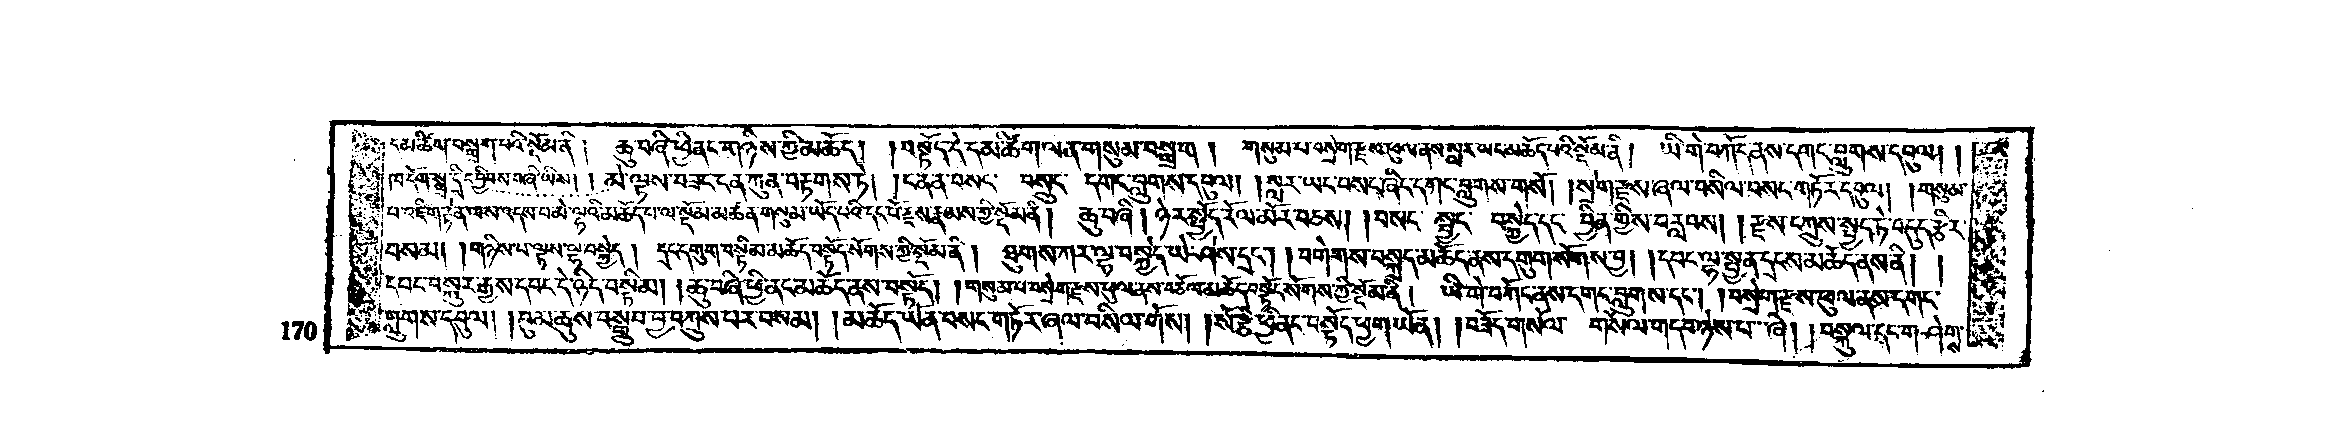དམ་ཚིག་བསྒྲག་པའི་སྡོམ་ནི། ཆུ་བཞི་ཕྱི་ནང་གཉིས་ཀྱི་མཆོད། །བསྟོད་དེ་དམ་ཚིག་ལན་གསུམ་བསྒྲག ། གསུམ་པ་བསྲེག་རྫས་ཕུལ་ནས་སླར་ཡང་མཆོད་པའི་སྡོམ་ནི། ཡི་གེ་བཀོད་ནས་དགང་བླུགས་དབུལ། །
ཁ་དོག་སྒྲ་དྲི་དབྱིབས་བཞི་ཡིས།  །མེ་ལྟས་བཟང་ངན་ཀུན་བརྟགས་ཏེ། །ངན་ན་བསང་བསྲུང་དགང་བླུགས་དབུལ། །སླར་ཡང་བསང་ཞིང་དགང་བླུགས་གསོ། །སྲེག་རྫས་ཞལ་བསིལ་བསང་གཏོར་དབུལ། །གསུམ་
པ་འཇིག་རྟེན་ལས་འདས་པ་མེ་ལྷའི་མཆོད་པ་ལ་སྡོམ་མཚན་གསུམ་ཡོད་པའི་དང་པོ་རྫས་རྣམས་ཀྱི་སྡོམ་ནི། ཆུ་བཞི། ཉེར་སྤྱོད་རོལ་མོར་བཅས། །བསང་སྦྱང་བསྐྱེད་དང་བྱིན་གྱིས་བརླབས། །རྫས་དཀྲུས་སྦྱང་ཏེ་བདུད་རྩིར་
བསམ། །གཉིས་པ་ལྟས་ལྷ་བསྐྱེད། དྲང་དགུག་བསྟིམ་མཆོད་བསྟོད་སོགས་ཀྱི་སྡོམ་ནི།  ཐུགས་ཀར་ལྷ་བསྐྱེད་ཡེ་ཤེས་དྲང་། །བགེགས་བསྐྲད་མཆོད་ནས་དགུག་སོགས་བྱ། །དབང་ལྷ་སྤྱན་དྲངས་མཆོད་ནས་ནི། །
དབང་བསྐུར་རྒྱས་དབང་དེ་ཉིད་བསྟིམ། །ཆུ་བཞི་ཕྱི་ནང་མཆོད་ནས་བསྟོད། ། གསུམ་པ་བསྲེག་རྫས་ཕུལ་ནས་བཅོལ་མཆོད་བསྟོད་སོགས་ཀྱི་སྡོམ་ནི།  ཡི་གེ་བཀོད་ནས་དགང་བླུགས་དང་། །བསྲེག་རྫས་ཕུལ་ནས་དགང་
བླུགས་དབུལ། །བུམ་ཆུས་བསྒྲུབ་བྱ་བཀྲུས་པར་བསམ། །མཆོད་ཡོན་བསང་གཏོར་ཞལ་བསིལ་གོས། །སོ་རྩི་ཕྱི་ནང་བསྟོད་ཕྱག་ཡོན། །བཟོད་གསོལ་གསོལ་གདབ་ཉེས་པ་ཞི། །བསྐུལ་དང་གཤེགས་